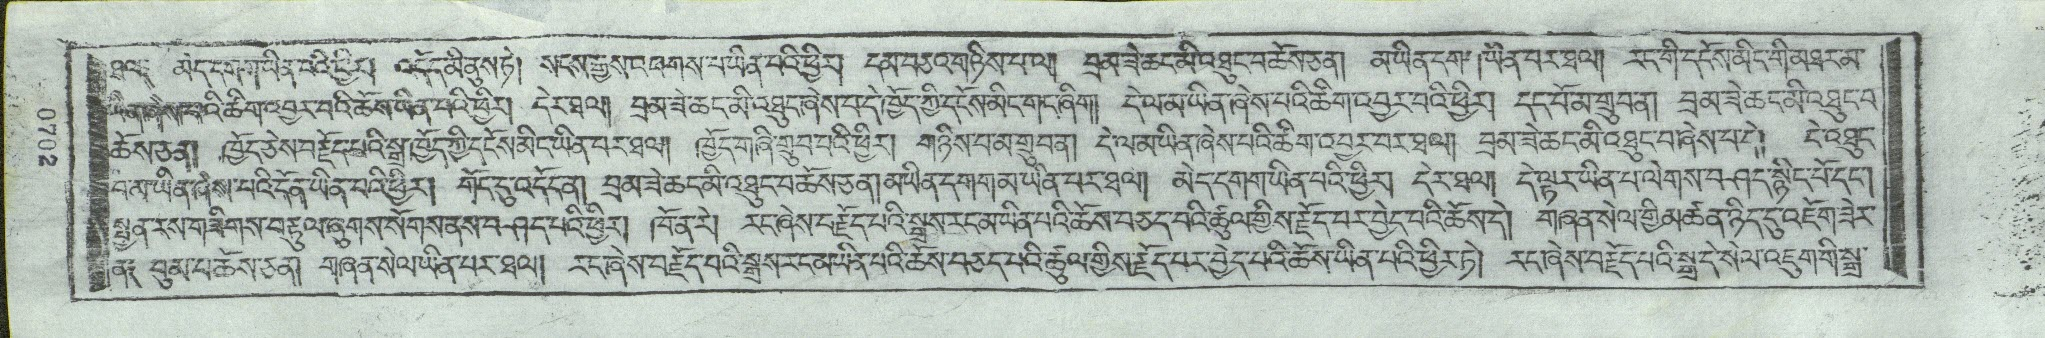ཐལ༑ མེད་དགག་ཡིན་པའི་ཕྱིར། འདོད་མི་ནུས་ཏེ། སངས་རྒྱས་འཕགས་པ་ཡིན་པའི་ཕྱིར། དམ་བཅའ་གཉིས་པ་ལ། བྲམ་ཟེ་ཆང་མི་འཐུང་བ་ཆོས་ཅན། མ་ཡིན་དགག་ཡིན་པར་ཐལ། རང་གི་དངོས་མིང་གི་མཐར་མ་
ཡིན་ཞེས་པའི་ཚིག་འབྱར་བའི་ཆོས་ཡིན་པའི་ཕྱིར། དེར་ཐལ། བྲམ་ཟེ་ཆང་མི་འཐུང་ཞེས་པ་དེ་ཁྱོད་ཀྱི་དངོས་མིང་གང་ཞིག། དེ་ལ་མ་ཡིན་ཞེས་པའི་ཚིག་འབྱར་བའི་ཕྱིར། དང་པོ་མ་གྲུབ་ན། བྲམ་ཟེ་ཆང་མི་འཐུང་བ་
ཆོས་ཅན། ཁྱོད་ཅེས་བརྗོད་པའི་སྒྲ་ཁྱོད་ཀྱི་དངོས་མིང་ཡིན་པར་ཐལ། ཁྱོད་གཞི་གྲུབ་པའི་ཕྱིར། གཉིས་པ་མ་གྲུབ་ན། དེ་ལ་མ་ཡིན་ཞེས་པའི་ཚིག་འབྱར་བར་ཐལ། བྲམ་ཟེ་ཆང་མི་འཐུང་བ་ཞེས་པ་དེ། དེ་འཐུང་
བ་མ་ཡིན་ཞེས་པའི་དོན་ཡིན་པའི་ཕྱིར། གོང་དུ་འདོད་ན། བྲམ་ཟེ་ཆང་མི་འཐུང་བ་ཆོས་ཅན། མ་ཡིན་དགག་མ་ཡིན་པར་ཐལ། མེད་དགག་ཡིན་པའི་ཕྱིར། དེར་ཐལ། དེ་ལྟར་ཡིན་པ་ལེགས་བཤད་སྙིང་པོ་དང་།
སྤྱན་རས་གཟིགས་བརྟུལ་ཞུགས་སོགས་ནས་བཤད་པའི་ཕྱིར། ཁོ་ན་རེ། རང་ཞེས་བརྗོད་པའི་སྒྲས་རང་མ་ཡིན་པའི་ཆོས་བཅད་བའི་ཚུལ་གྱིས་རྗོད་པར་བྱེད་པའི་ཆོས་དེ། གཞན་སེལ་གྱི་མཚན་ཉིད་དུ་འཇོག་ཟེར་
ན༑ བུམ་པ་ཆོས་ཅན། གཞན་སེལ་ཡིན་པར་ཐལ། རང་ཞེས་བརྗོད་པའི་སྒྲས་རང་མ་ཡིན་པའི་ཆོས་བཅད་པའི་ཚུལ་གྱིས་རྗོད་པར་བྱེད་པའི་ཆོས་ཡིན་པའི་ཕྱིར་ཏེ། རང་ཞེས་བརྗོད་པའི་སྒྲ་དེ་སེལ་འཇུག་གི་སྒྲ་